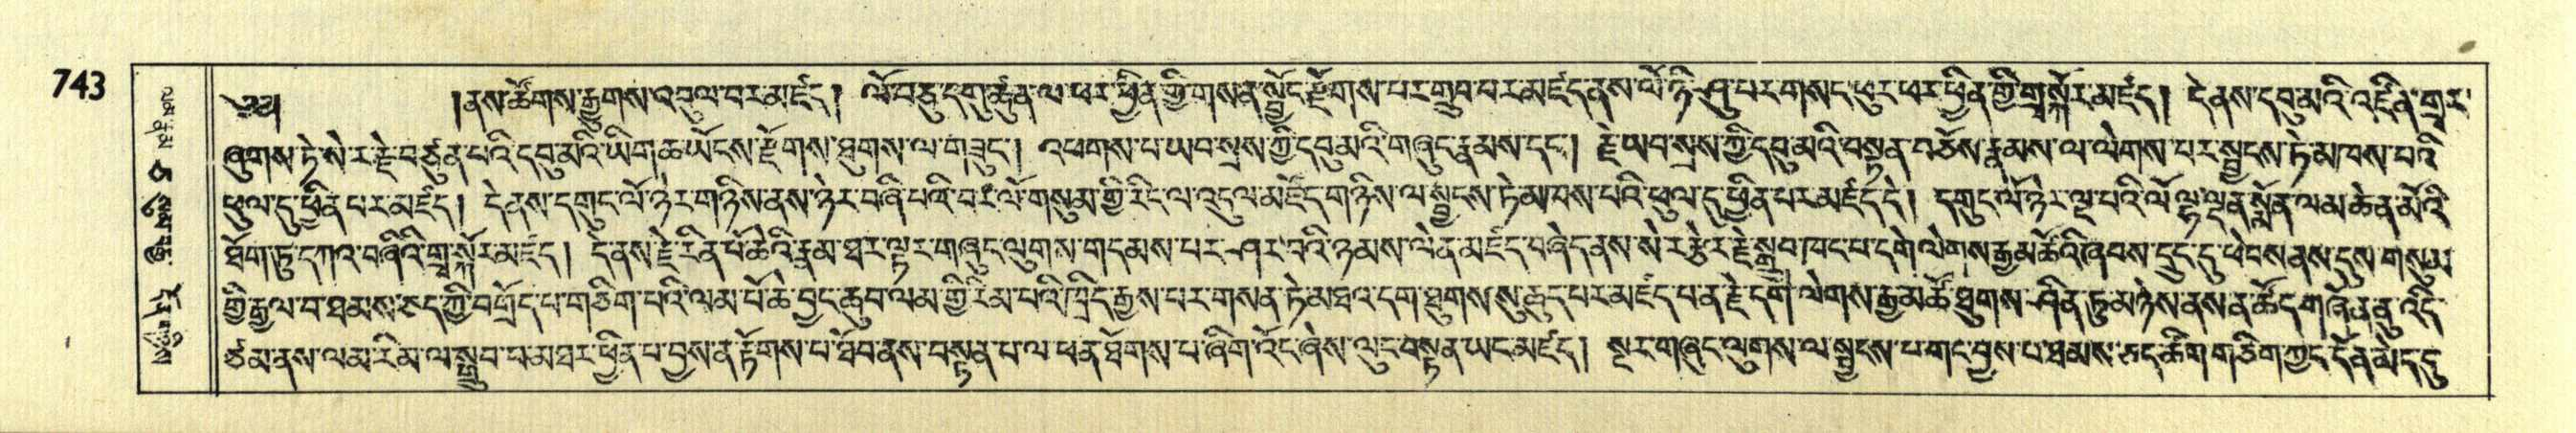༄༅། །ནས་ཚོགས་རྒྱུགས་འབུལ་བར་མཛད། ལོ་བཅུ་དགུ་ཚུན་ལ་ཕར་ཕྱིན་གྱི་གསན་སྦྱོང་རྫོགས་པར་གྲུབ་བར་མཛད་ནས་ལོ་ཉི་ཤུ་པར་གསང་ཕུར་ཕར་ཕྱིན་གྱི་གྲྭ་སྐོར་མཛད། དེ་ནས་དབུ་མའི་འཛིན་གྲྭར་
ཞུགས་ཏེ་སེ་ར་རྗེ་བཙུན་པའི་དབུ་མའི་ཡིག་ཆ་ཡོངས་རྫོགས་ཐུགས་ལ་གཟུང་། འཕགས་པ་ཡབ་སྲས་ཀྱི་དབུ་མའི་གཞུང་རྣམས་དང་། རྗེ་ཡབ་སྲས་ཀྱི་དབུ་མའི་བསྟན་བཅོས་རྣམས་ལ་ལེགས་པར་སྦྱངས་ཏེ་མཁས་པའི་
ཕུལ་དུ་ཕྱིན་པར་མཛད། དེ་ནས་དགུང་ལོ་ཉེར་གཉིས་ནས་ཉེར་བཞི་པའི་བར་ལོ་གསུམ་གྱི་རིང་ལ་འདུལ་མཛོད་གཉིས་ལ་སྦྱངས་ཏེ་མཁས་པའི་ཕུལ་དུ་ཕྱིན་པར་མཛད་དེ། དགུང་ལོ་ཉེར་ལྔ་པའི་ལོ་ལྷ་ལྡན་སྨོན་ལམ་ཆེན་མོའི་
ཐོག་ཏུ་དཀའ་བཞིའི་གྲྭ་སྐོར་མཛད། དེ་ནས་རྗེ་རིན་པོ་ཆེའི་རྣམ་ཐར་ལྟར་གཞུང་ལུགས་གདམས་པར་ཤར་བའི་ཉམས་ལེན་མཛད་བཞེད་ནས་སེར་རྩེར་རྗེ་སྒྲུབ་ཁང་པ་དགེ་ལེགས་རྒྱ་མཚོའི་ཞབས་དྲུང་དུ་ཕེབས་ནས་དུས་གསུམ་
གྱི་རྒྱལ་བ་ཐམས་ཅད་ཀྱི་བགྲོད་པ་གཅིག་པའི་ལམ་པོ་ཆེ་བྱང་ཆུབ་ལམ་གྱི་རིམ་པའི་ཁྲིད་རྒྱས་པར་གསན་ཏེ་མཐའ་དག་ཐུགས་སུ་ཆུད་པར་མཛད་པ་ན་རྗེ་དགེ་ལེགས་རྒྱ་མཚོ་ཐུགས་ཤིན་ཏུ་མཉེས་ནས་ན་ཚོད་གཞོན་ནུ་འདི་
ཙམ་ནས་ལམ་རིམ་ལ་སྒྲུབ་བ་མཐར་ཕྱིན་པ་བྱས་ན་རྟོགས་པ་ཐོབ་ནས་བསྟན་པ་ལ་ཕན་ཐོགས་པ་ཞིག་འོང་ཞེས་ལུང་བསྟན་ཡང་མཛད། སྔར་གཞུང་ལུགས་ལ་སྦྱངས་པ་གང་བྱས་པ་ཐམས་ཅད་ཚིག་གཅིག་ཀྱང་དོན་མེད་དུ་